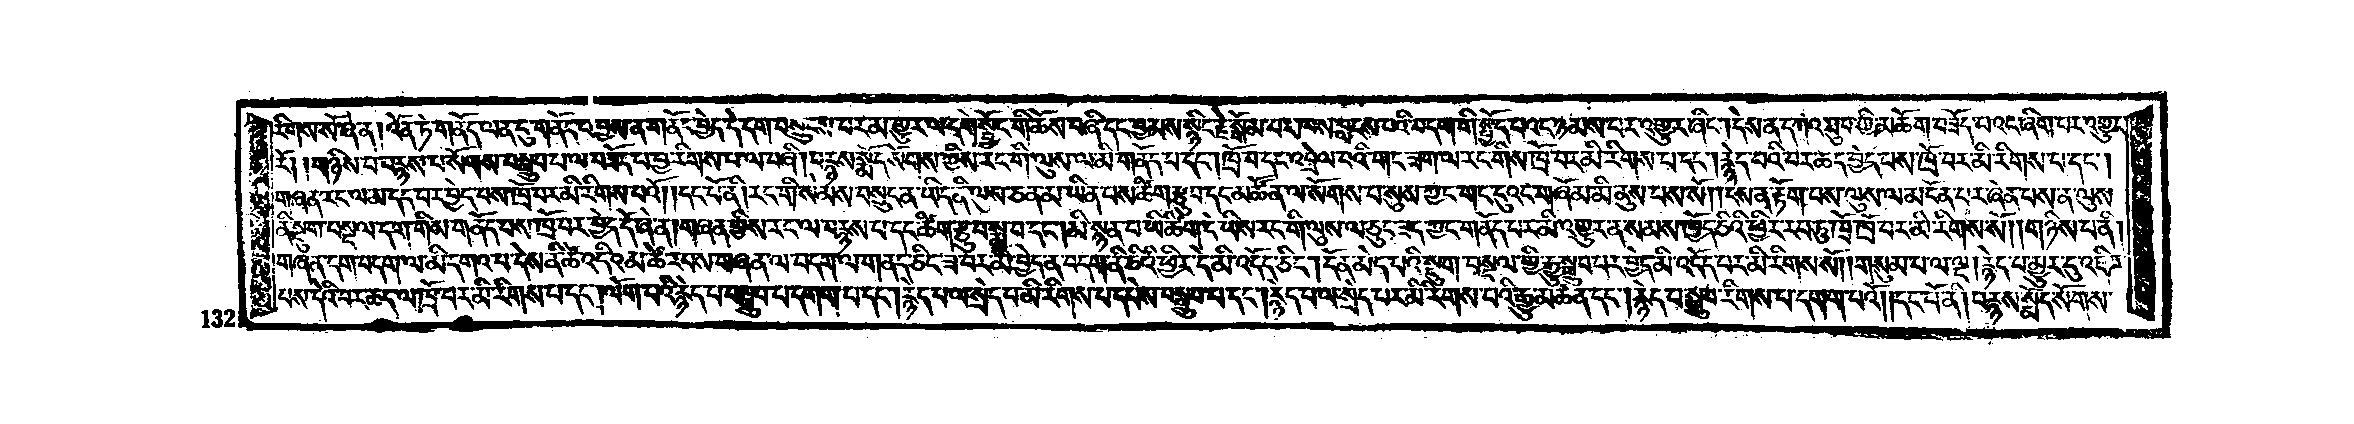རིགས་སོ་ཞེ་ན། འོན་ཏེ་གནོད་ལན་དུ་གནོད་པ་བྱས་ན་གནོད་བྱེད་དེ་དག་བསྲུངས་པར་མ་གྱུར་ལ་དགེ་སྦྱོང་གི་ཆོས་བཞི་དང་བྱམས་སྙིང་རྗེ་སྒོམ་པར་ཁས་བླངས་པའི་བདག་གི་སྤྱོད་པའང་ཉམས་པར་འགྱུར་ཞིང་། དེས་ན་དཀའ་ཐུབ་ཀྱི་མཆོག་བཟོད་པའང་ཞིག་པར་འགྱུར་
རོ༑ ༑གཉིས་པ་བརྙས་པ་སོགས་བསྒྲུབ་པ་ལ་བཟོད་པ་བྱ་རིགས་པ་ལ་བཞི། བརྙས་སྨོད་སོགས་ཀྱིས་རང་གི་ལུས་ལ་མི་གནོད་པ་དང་། ཁྲོ་བ་དང་འབྲེལ་པའི་གང་ཟག་ལ་རང་གིས་ཁྲོ་བར་མི་རིགས་པ་དང་། རྙེད་པའི་བར་ཆད་བྱེད་པས་ཁྲོ་བར་མི་རིགས་པ་དང་།
གཞན་རང་ལ་མ་དད་པར་བྱེད་པས་ཁྲོ་བར་མི་རིགས་པའོ། །དང་པོ་ནི། རང་གི་སེམས་བསྲུང་ན་ཡིད་ནི་ལུས་ཅན་མ་ཡིན་པས་ཚིག་རྩུབ་དང་མཚོན་ལ་སོགས་པ་སུས་ཀྱང་གང་དུའང་གཞོམ་མི་ནུས་པས་སོ། །དེས་ན་རྟོག་པས་ལུས་ལ་མངོན་པར་ཞེན་པས་ན་ལུས་
ནི་སྡུག་བསྔལ་དག་གིས་གནོད་པས་ཁྲོ་བར་བྱེད་དོ་ཞེ་ན། གཞན་གྱིས་རང་ལ་བརྙས་པ་དང་ཚིག་རྩུབ་སྨྲ་བ་དང་། མི་སྙན་པ་ཡི་ཚིག་དེ་ཡིས་རང་གི་ལུས་ལ་ཅུང་ཟད་ཀྱང་གནོད་པར་མི་འགྱུར་ན་སེམས་ཁྱོད་ཅིའི་ཕྱིར་རབ་ཏུ་ཁྲོ་ཁྲོ་བར་མི་རིགས་སོ། །གཉིས་པ་ནི།
གཞན་དག་བདག་དེས་ནི་ཚེ་འདིའམ་ཚེ་རབས་གཞན་ལ་བདག་ལ་གནད་ཅིང་ཟ་བར་མི་བྱེད་ན་བདག་ནི་ཅིའི་ཕྱིར་དེ་མི་འདོད་ཅིང་། དོན་མེད་པའི་སྡུག་བསྔལ་གྱི་རྒྱུ་སྒྲུབ་པར་བྱེད་མི་འདོད་པར་མི་རིགས་སོ། །གསུམ་པ་ལ་ལྔ། རྙེད་པ་མྱུར་དུ་འཇིགས་
པས་དེའི་བར་ཆད་ལ་ཁྲོ་བར་མི་རིགས་པ་དང་། ལོག་པའི་རྙེད་པ་བསྒྲུབ་པ་དགག་པ་དང་། རྙེད་པ་ལ་སྲེད་པ་མི་རིགས་པ་དཔེས་བསྒྲུབ་པ་དང་། རྙེད་པ་ལ་སྲེད་པར་མི་རིགས་པའི་རྒྱུ་མཚན་དང་། རྙེད་པ་སྒྲུབ་རིགས་པ་དགག་པའོ། །དང་པོ་ནི། བརྙས་སྨོད་སོགས་